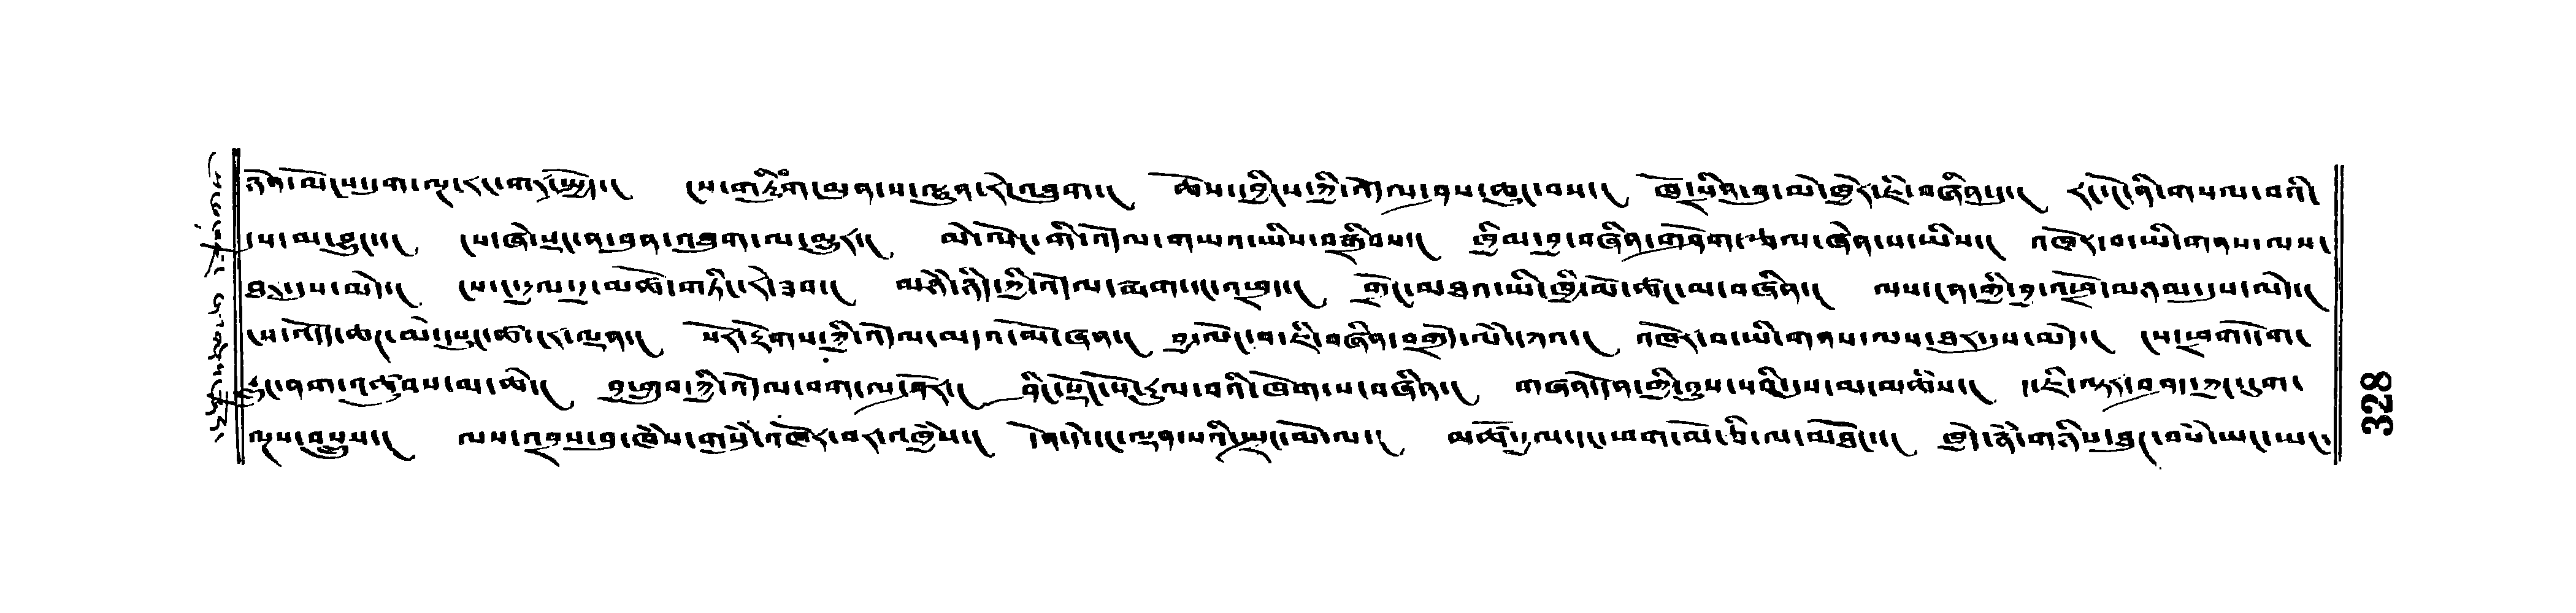ཉོན་མོངས་དུག་ལྔ་རང་གར་སྤྱོད། །ངའི་གཏི་མུག་མུན་པ་ལྷུན་རེ་འཐུག །ཆོས་དབྱིངས་ཀྱི་འོད་གསལ་ཤས་ཆུང་བས། ཁོ་སྲིན་བུ་མེ་ཁྱེར་ཇི་བཞིན་དུ། །རང་ངོ་ནི་གསལ་བའི་
དུས་མ་བྱུང་། །ངའི་ཞེ་སྡང་ན་བུན་འཐུག་ལ་མྱུར། །མེ་ལོང་གི་འོད་གསལ་གཡའ་ཡིས་བསྒྲིབས།ཁྱིམ་བྱ་བཞིན་གཤོག་རྩལ་ཞན་པ་ཡིས། །འཁོར་བ་ཡི་གནས་ལས་
ཐར་དུས་མེད། །ངའི་ང་རྒྱལ་རྒྱ་མཚོ་གཏིང་རེ་ཟབ། །མཉམ་ཉིད་ཀྱི་འོད་གསལ་སྨག་དང་འཕྲད། །གྲོང་མཐའ་ཡི་ཁྱི་མོ་ཚང་མ་བཞིན། །ལས་ངན་གྱི་བྱ་འཕྲོ་མཉམ་དུས་མེད། །
ངའི་འདོད་ཆགས་མེད་དཔུང་ཚ་ངར་ལྡན། །སོར་རྟོགས་ཀྱི་འོད་གསལ་མདའ་མོ་ཞན། །བྱ་ལོང་བ་ཇི་བཞིན་བགྲོད་ལམ་དཀའ། །འཁོར་བ་ཡི་གནས་ལས་ཐར་དུས་མེད། །ངའི་ཕྲག་དོག་
རླུང་ནག་འཚུབས་མ་ཆེ། །བྱ་གྲུབ་ཀྱི་འོད་གསལ་བག་ལ་ཤོར། །ཤིང་སྡོང་པོ་རུལ་བའི་ཁོག་པ་བཞིན། །གཞན་དོན་གྱི་ནུས་པའི་དུས་མ་མཆིས། ད་ཇི་ལྟར་བཤད་ཀྱང་དུག་
ལྔས་བསླུས། །ལས་འབྲས་བུ་ཁམས་གསུམ་འཁོར་བར་འཁྱམས། །དོན་དེ་དང་ལྡན་པའི་སྤྲང་མོ་ལ། །མཚོ་རྒྱལ་དང་ཕག་མོ་ཅི་ལ་མཐོང་། ཁྱེད་རྣམ་གཉིས་ཐུགས་བསམ་ཡང་ཡང་